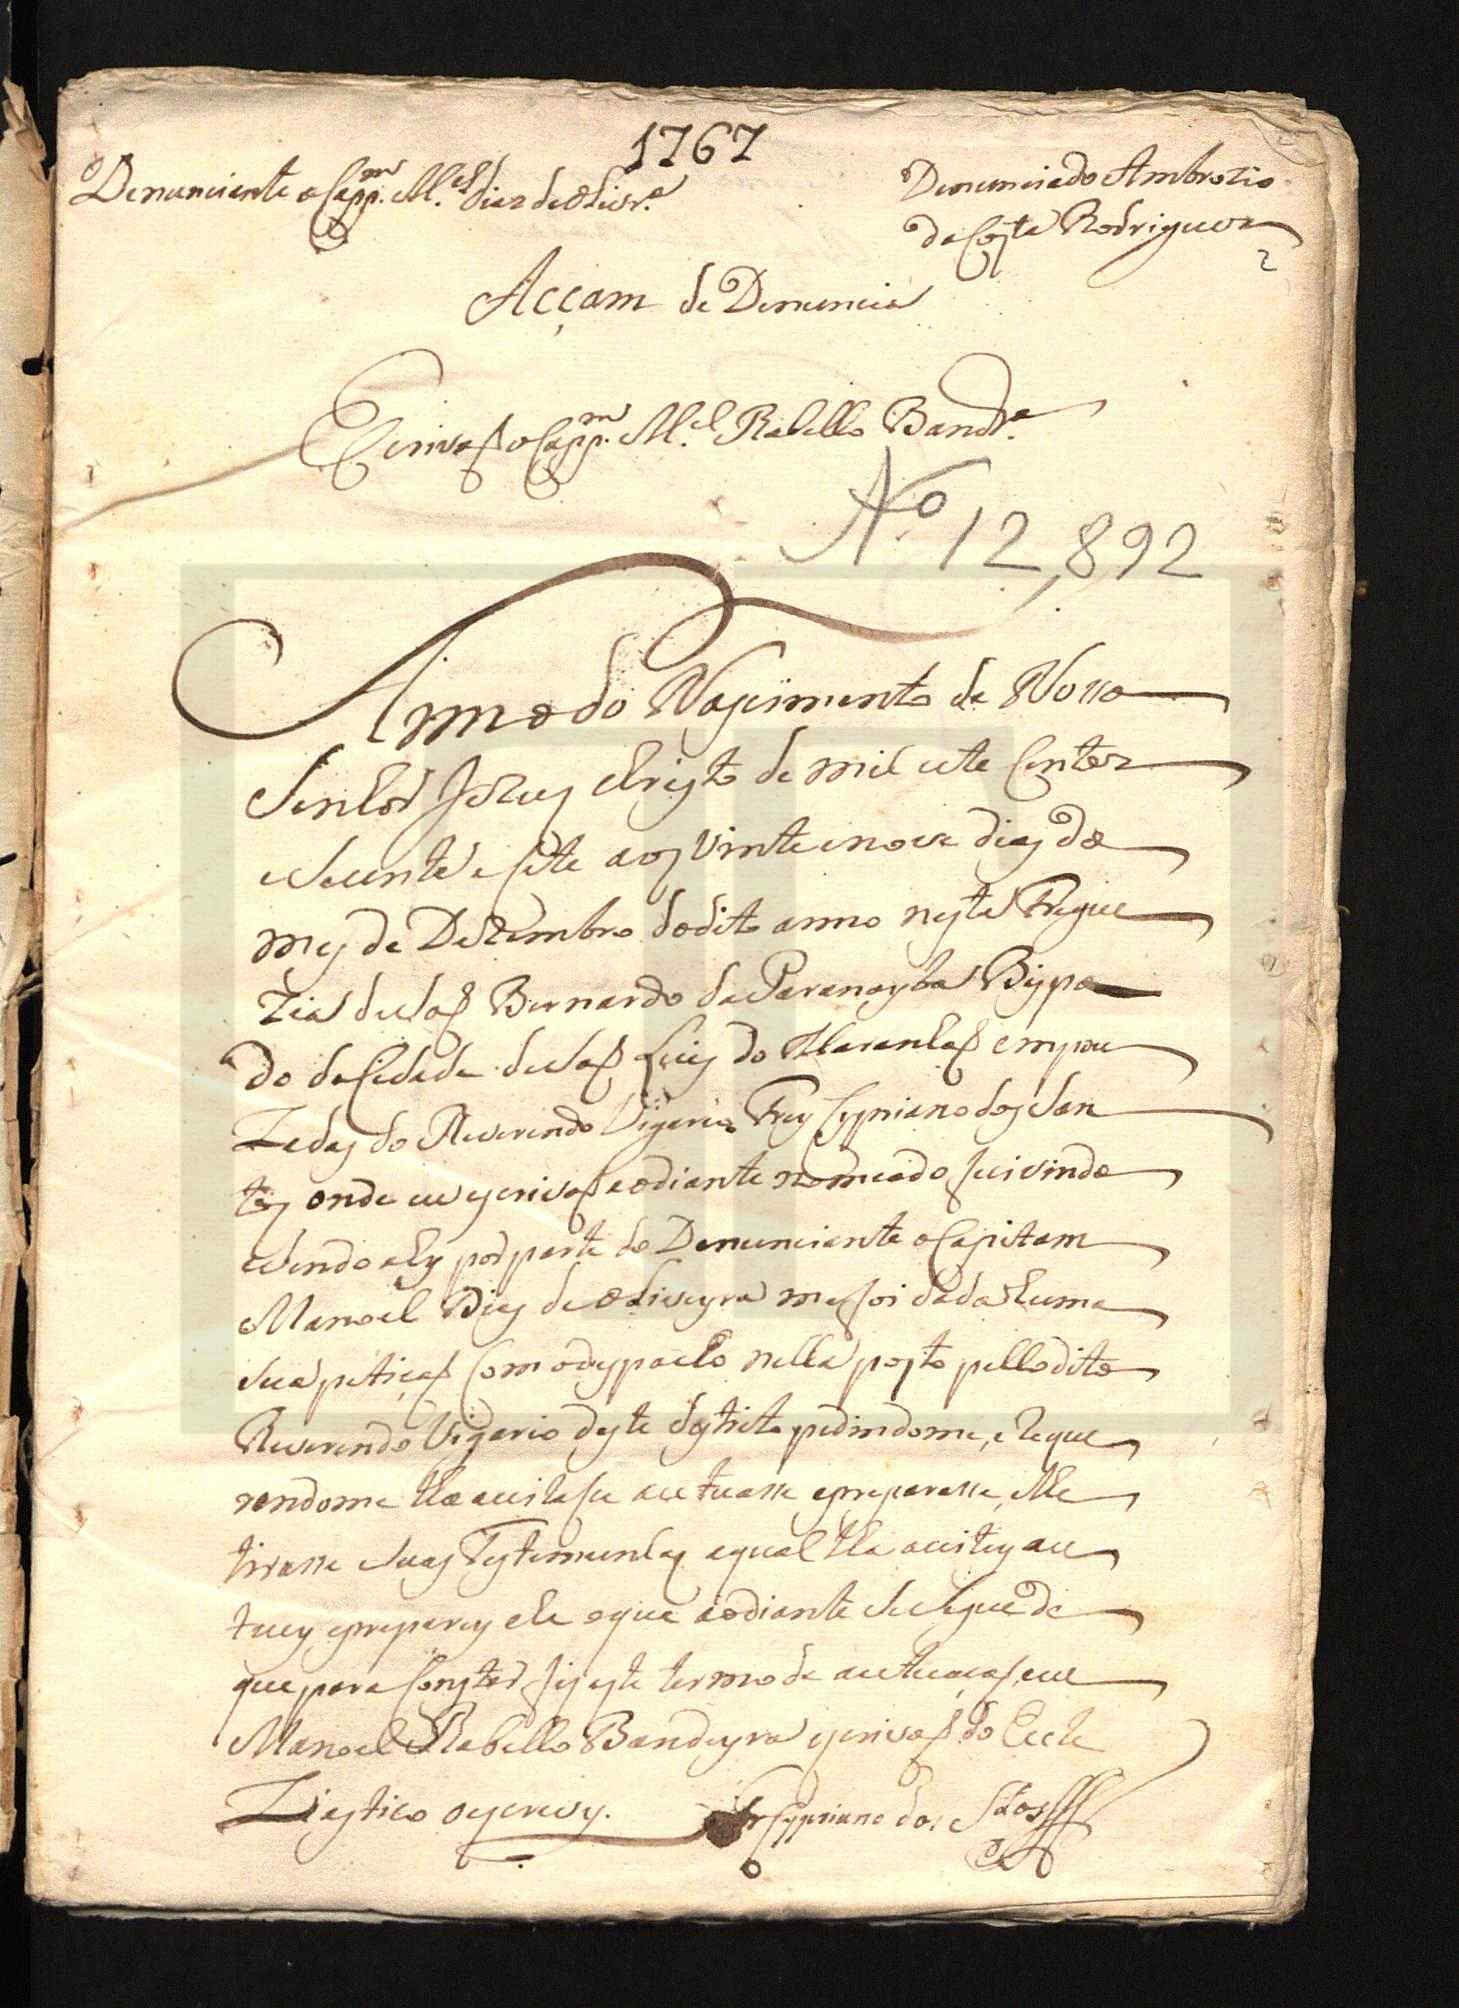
1767
Denunciado Ambrozio
o Denunciante o Capp.m M.el dias de OLivr.a
da Costa Rodriguez
Acçam de Denuncia
Escrivaõ o Capp.m M.el Rabello Bandr.a
Anno do Nascimento de Nosso
Senhor Jezus christo de mil ceteCentoz
e Secenta e Cete aos vinte e nove dias do
mes de Dezembro do dito anno nesta Fregue
Zia de Saõ Bernardo da Paranayba Bispa
do da Cidade de Saõ Luis do Maranhaõ em pou
Zadas do Reverendo Vigario Frey Cypriano dos San
tos onde eu escrivaõ ao diante nomeado fui vindo
e sendo ahy por parte do Denunciante o Capitam
Manoel Dias de OLiveyra me foi dada huma
sua petiçaõ Com o despacho nella posto pello dito
Reverendo Vigario deste destricto pedindome, e Reque
rendome lha aceitasse autuasse e preparasse, e lhe
tirasse suas Testemunhas a qual lhe aceitey au
tuey, e preparey e he o que ao diante Se Segue de
que para Constar fis este termo de autuçaõ, e eu
Manoel Rabello Bandeyra escrivaõ do Eccle
Ziastico o escreuy.
Fr Cypriano dos S.tos
